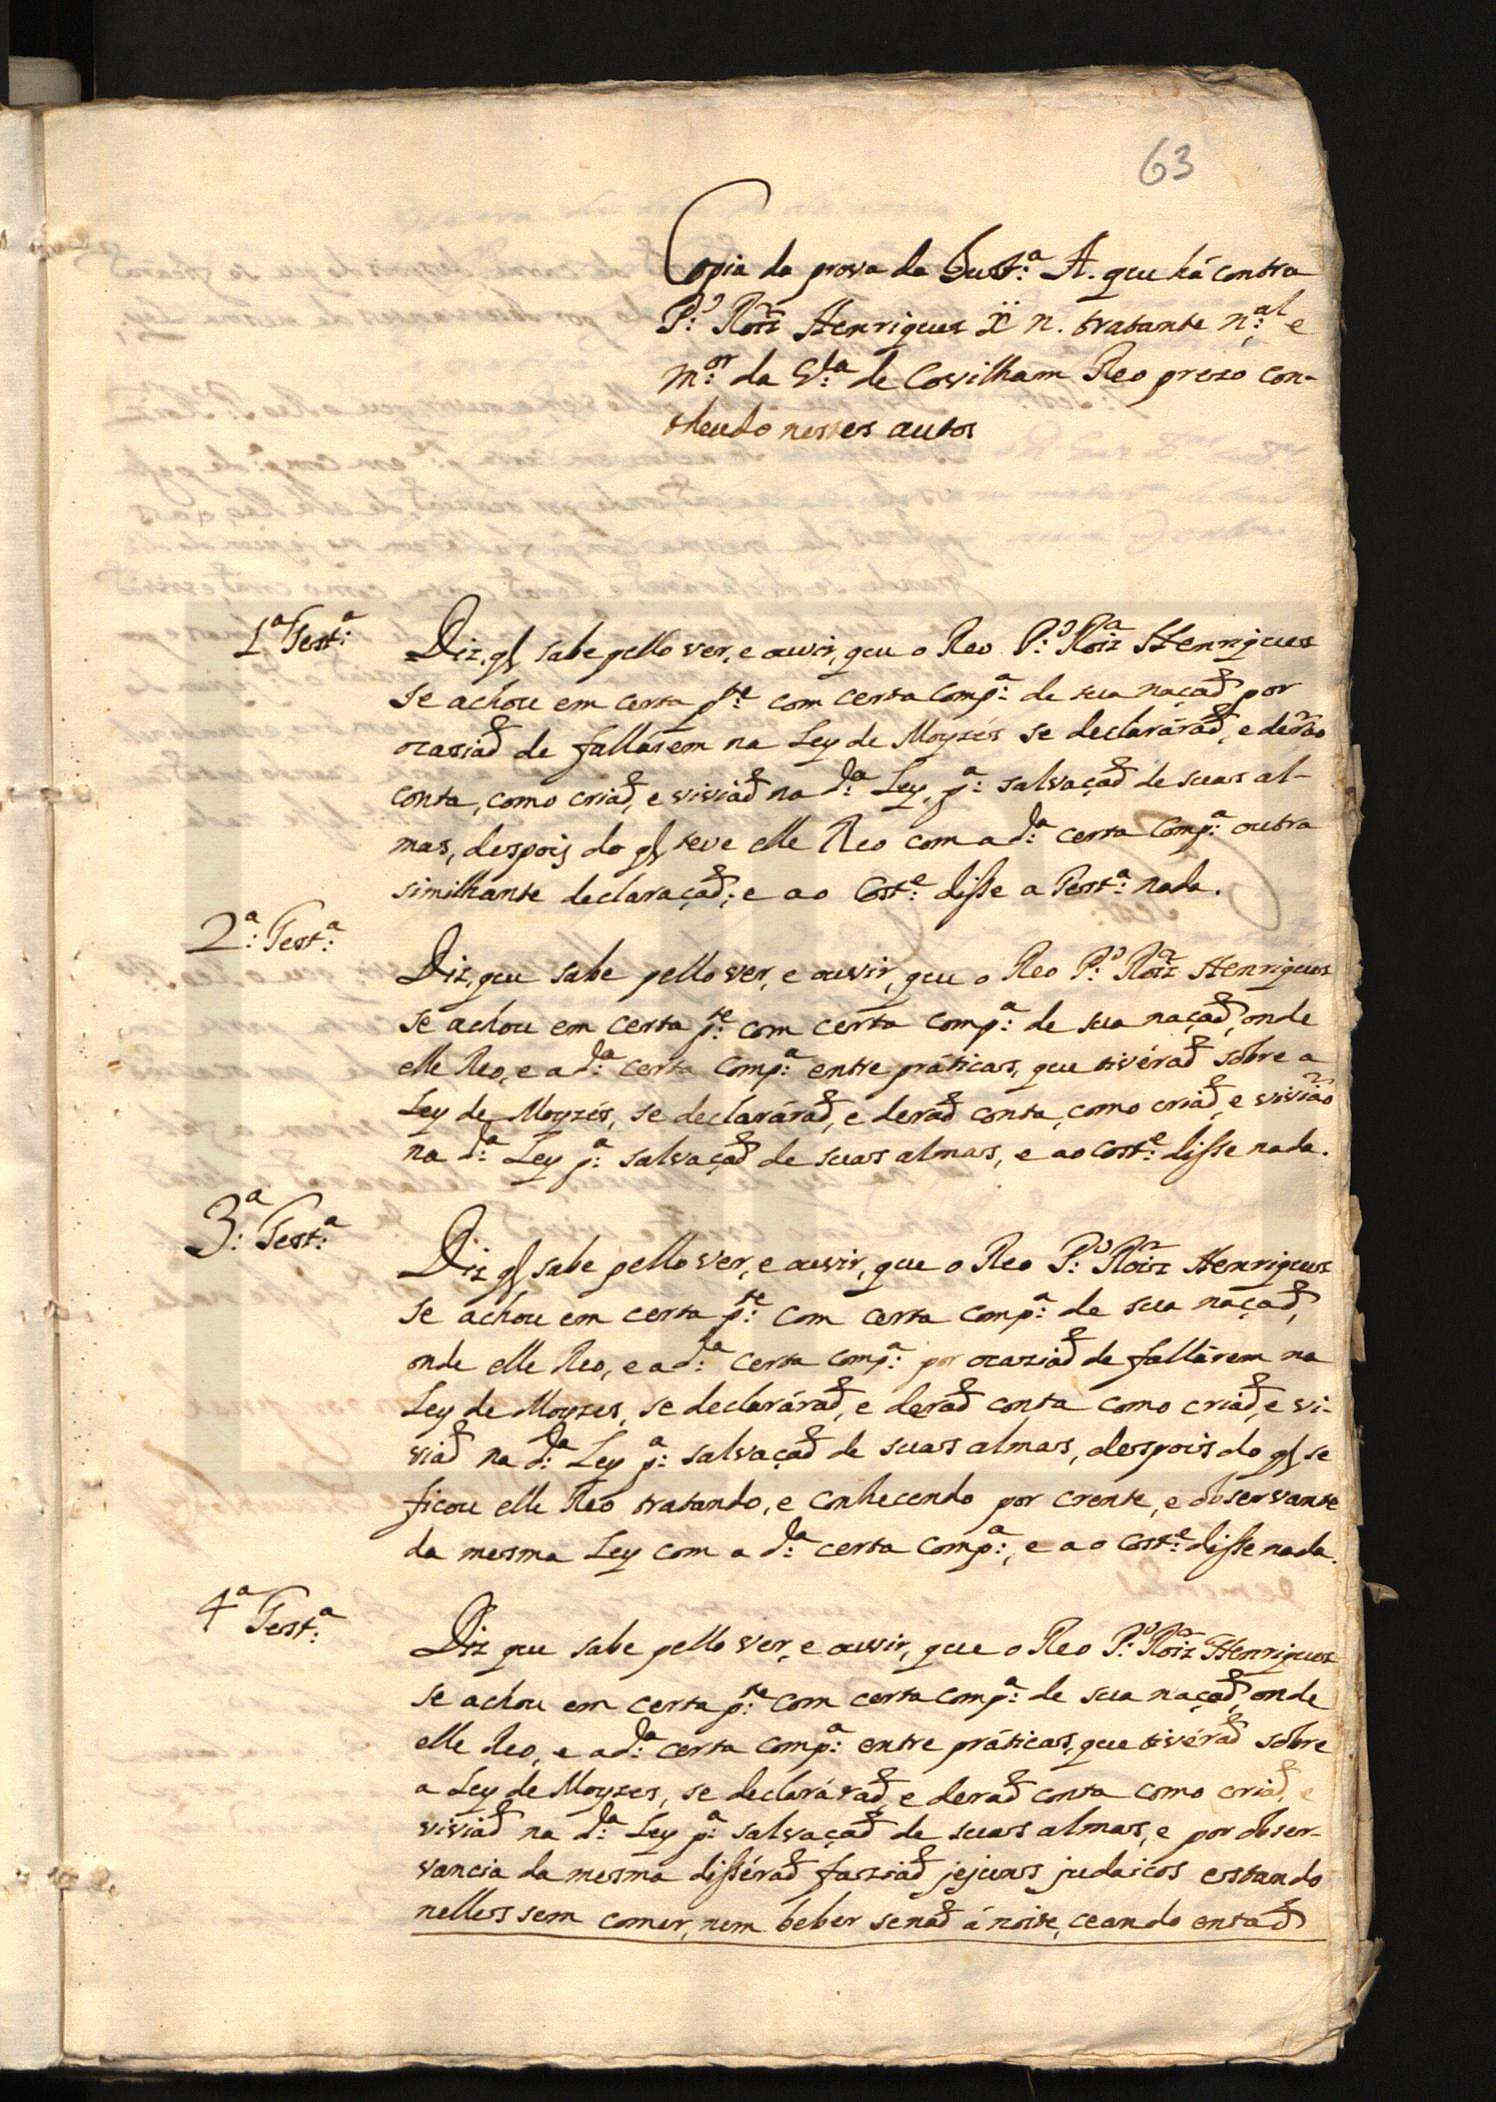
1a Testa:
2a: Testa:
3.a Testa:
4a Testa:
Copia da prova da Just.a A. que há contra
P:o Roiz̄ Henriquez x n. tratante n:al, e
m:or da V:la de Covilham Reo prezo con
theudo nestes autos
Diz. q̄ sabe pello ver, e ouvir, que o Reo P:o Roiz̄ Henriques
se achou em certa p:te com certa comp:a de sua naçaõ por
ocaziaõ de fallarem na Ley de Moyzés se declaráraõ, e derão
conta, como criaõ, e viviaõ na d:a Ley, p:a salvaçaõ de suas al
mas, despois do ql teve elle Reo com a d:ta carta Comp:a outra
similhante declaraçaõ; e ao Cost:e disse a Test:a nada.
Diz, que sabe pello ver, e ouvir, que o Reo P:o Roiz̄ Henriques
se achou em certa p:te com certa comp:a de sua naçaõ, onde
elle Reo, e a d̄:a certa comp:a entre práticas, que tiveraõ sobre a
Ley de Moyzés, se declaráraõ, e deraõ conta, como criaõ, e viviaõ
na d̄:a Ley p:a salvaçaõ de suas almas, e ao cost:e disse nada
Diz q̄ sabe pello ver, e ouvir, que o Reo P:o Roīz Henriquez
se achou em certa p:te com certa comp:a de sua naçaõ,
onde elle Reo, e a d̄:a certa comp:a por ocaziaõ de fallarem na
Ley de Moyzes, se declaráraõ, e deraõ conta como criaõ, e vi
viaõ na d̄:a Ley p:a salvaçaõ de suas almas, despois do q̄ se
ficou elle Reo tratando, e conhecendo por crente, e observante
da mesma Ley com a d̄:a certa comp:a, e ao cost:e disse nada.
Diz que sabe pello ver, e ouvir, que o Reo P:o Roīz Henriquez
se achou em certa p:te com certa comp:a de sua naçaõ, onde
elle Reo, e a d̄:a certa comp:a entre práticas, que tiveraõ sobre
a Ley de Moyzes, se declaráraõ e deraõ conta como criaõ, e
viviaõ na d̄:a Ley p:a salvaçaõ de suas almas, e por obser
vancia da mesma disséraõ faziaõ jejuns judaicos estando
nelles sem comer, nem beber senaõ á noite, ceando entaõ
